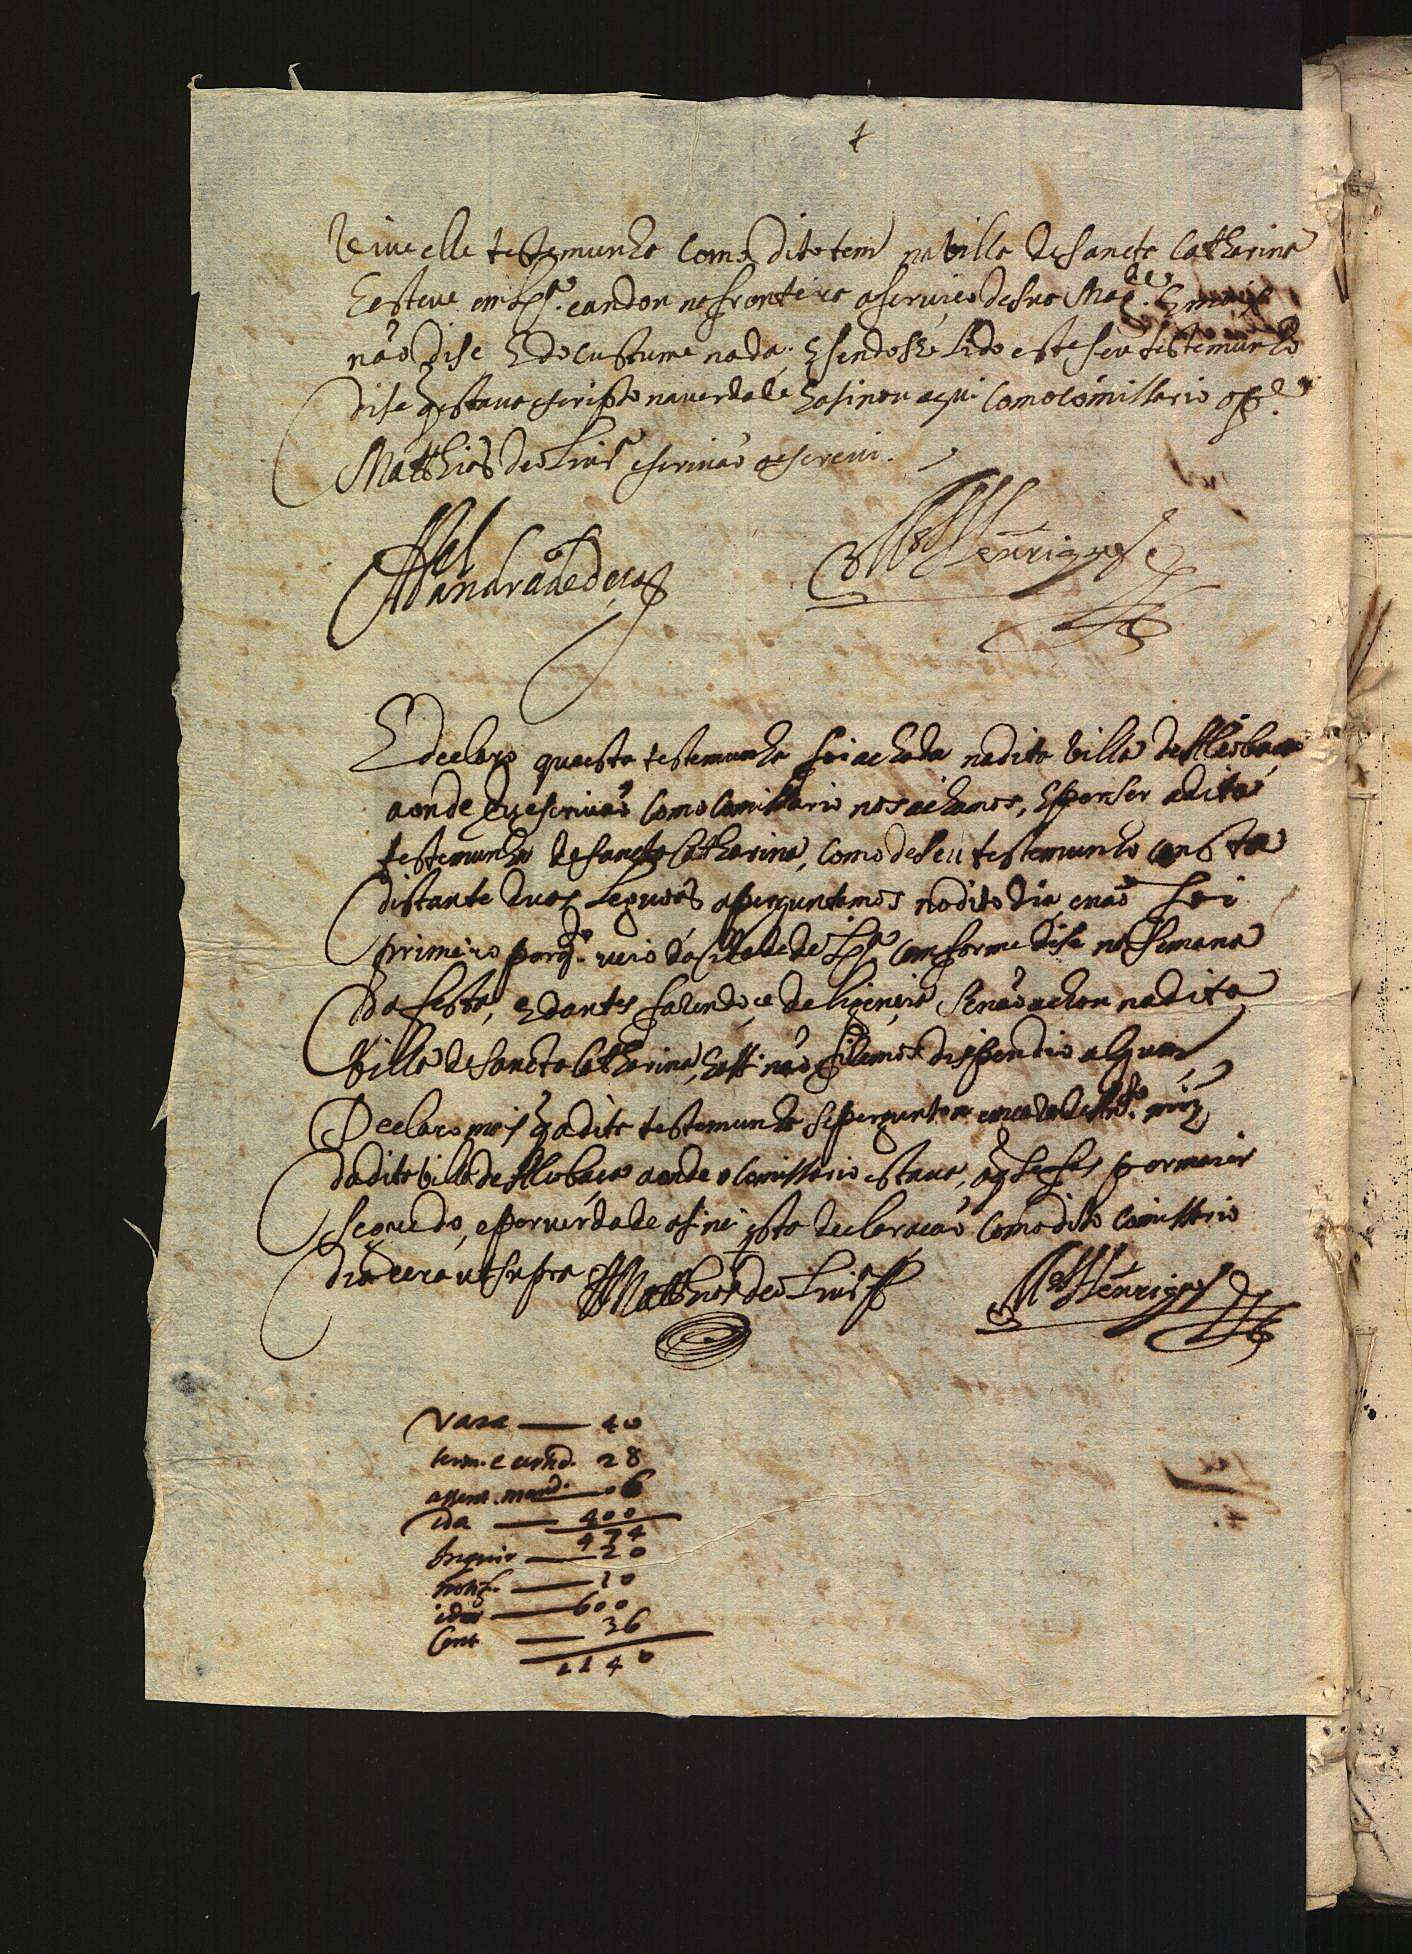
Viue elle testemunha como dito tem na villa de sancta Catherina
E esteue em Lxa. e andou na fronteira a seruiço de sua Mag.de E mais
não dise E do custume nada. E sendolhe lido este seu testemunho
dise q̄ estaua escripto na uerdade E asinou aqui com o com̄issario o pe.
Matthias de oLiura escriuaõ o escreui.
E declaro que esta testemunha foi achada na dita villa de Alcobaça
aonde eu escriuaõ com o comissario nos achamos, E por ser a dita
testemunha de sancta Catherina, como de seu testemunho consta
distante duas leguoas, o perguntamos no dito dia, e naõ foi
primeiro porq.to ueio da Cidade de Lx.a comforme dise na semana
da festa, E dantes fazendoçe deligençia Se naõ achou na dita
Villa de Sancta Catherina, E assi não fizemos dispendio algum,
Declaro mais q̄ a dita testemunha se perguntou em caza de An.to miz̄
da dita villa de Alcobaça aonde o comissario estaua, o q̄ se fez por maior
segredo, e por uerdade asinei esta declaraçaõ com o dito comissario
dia e era ut supra
